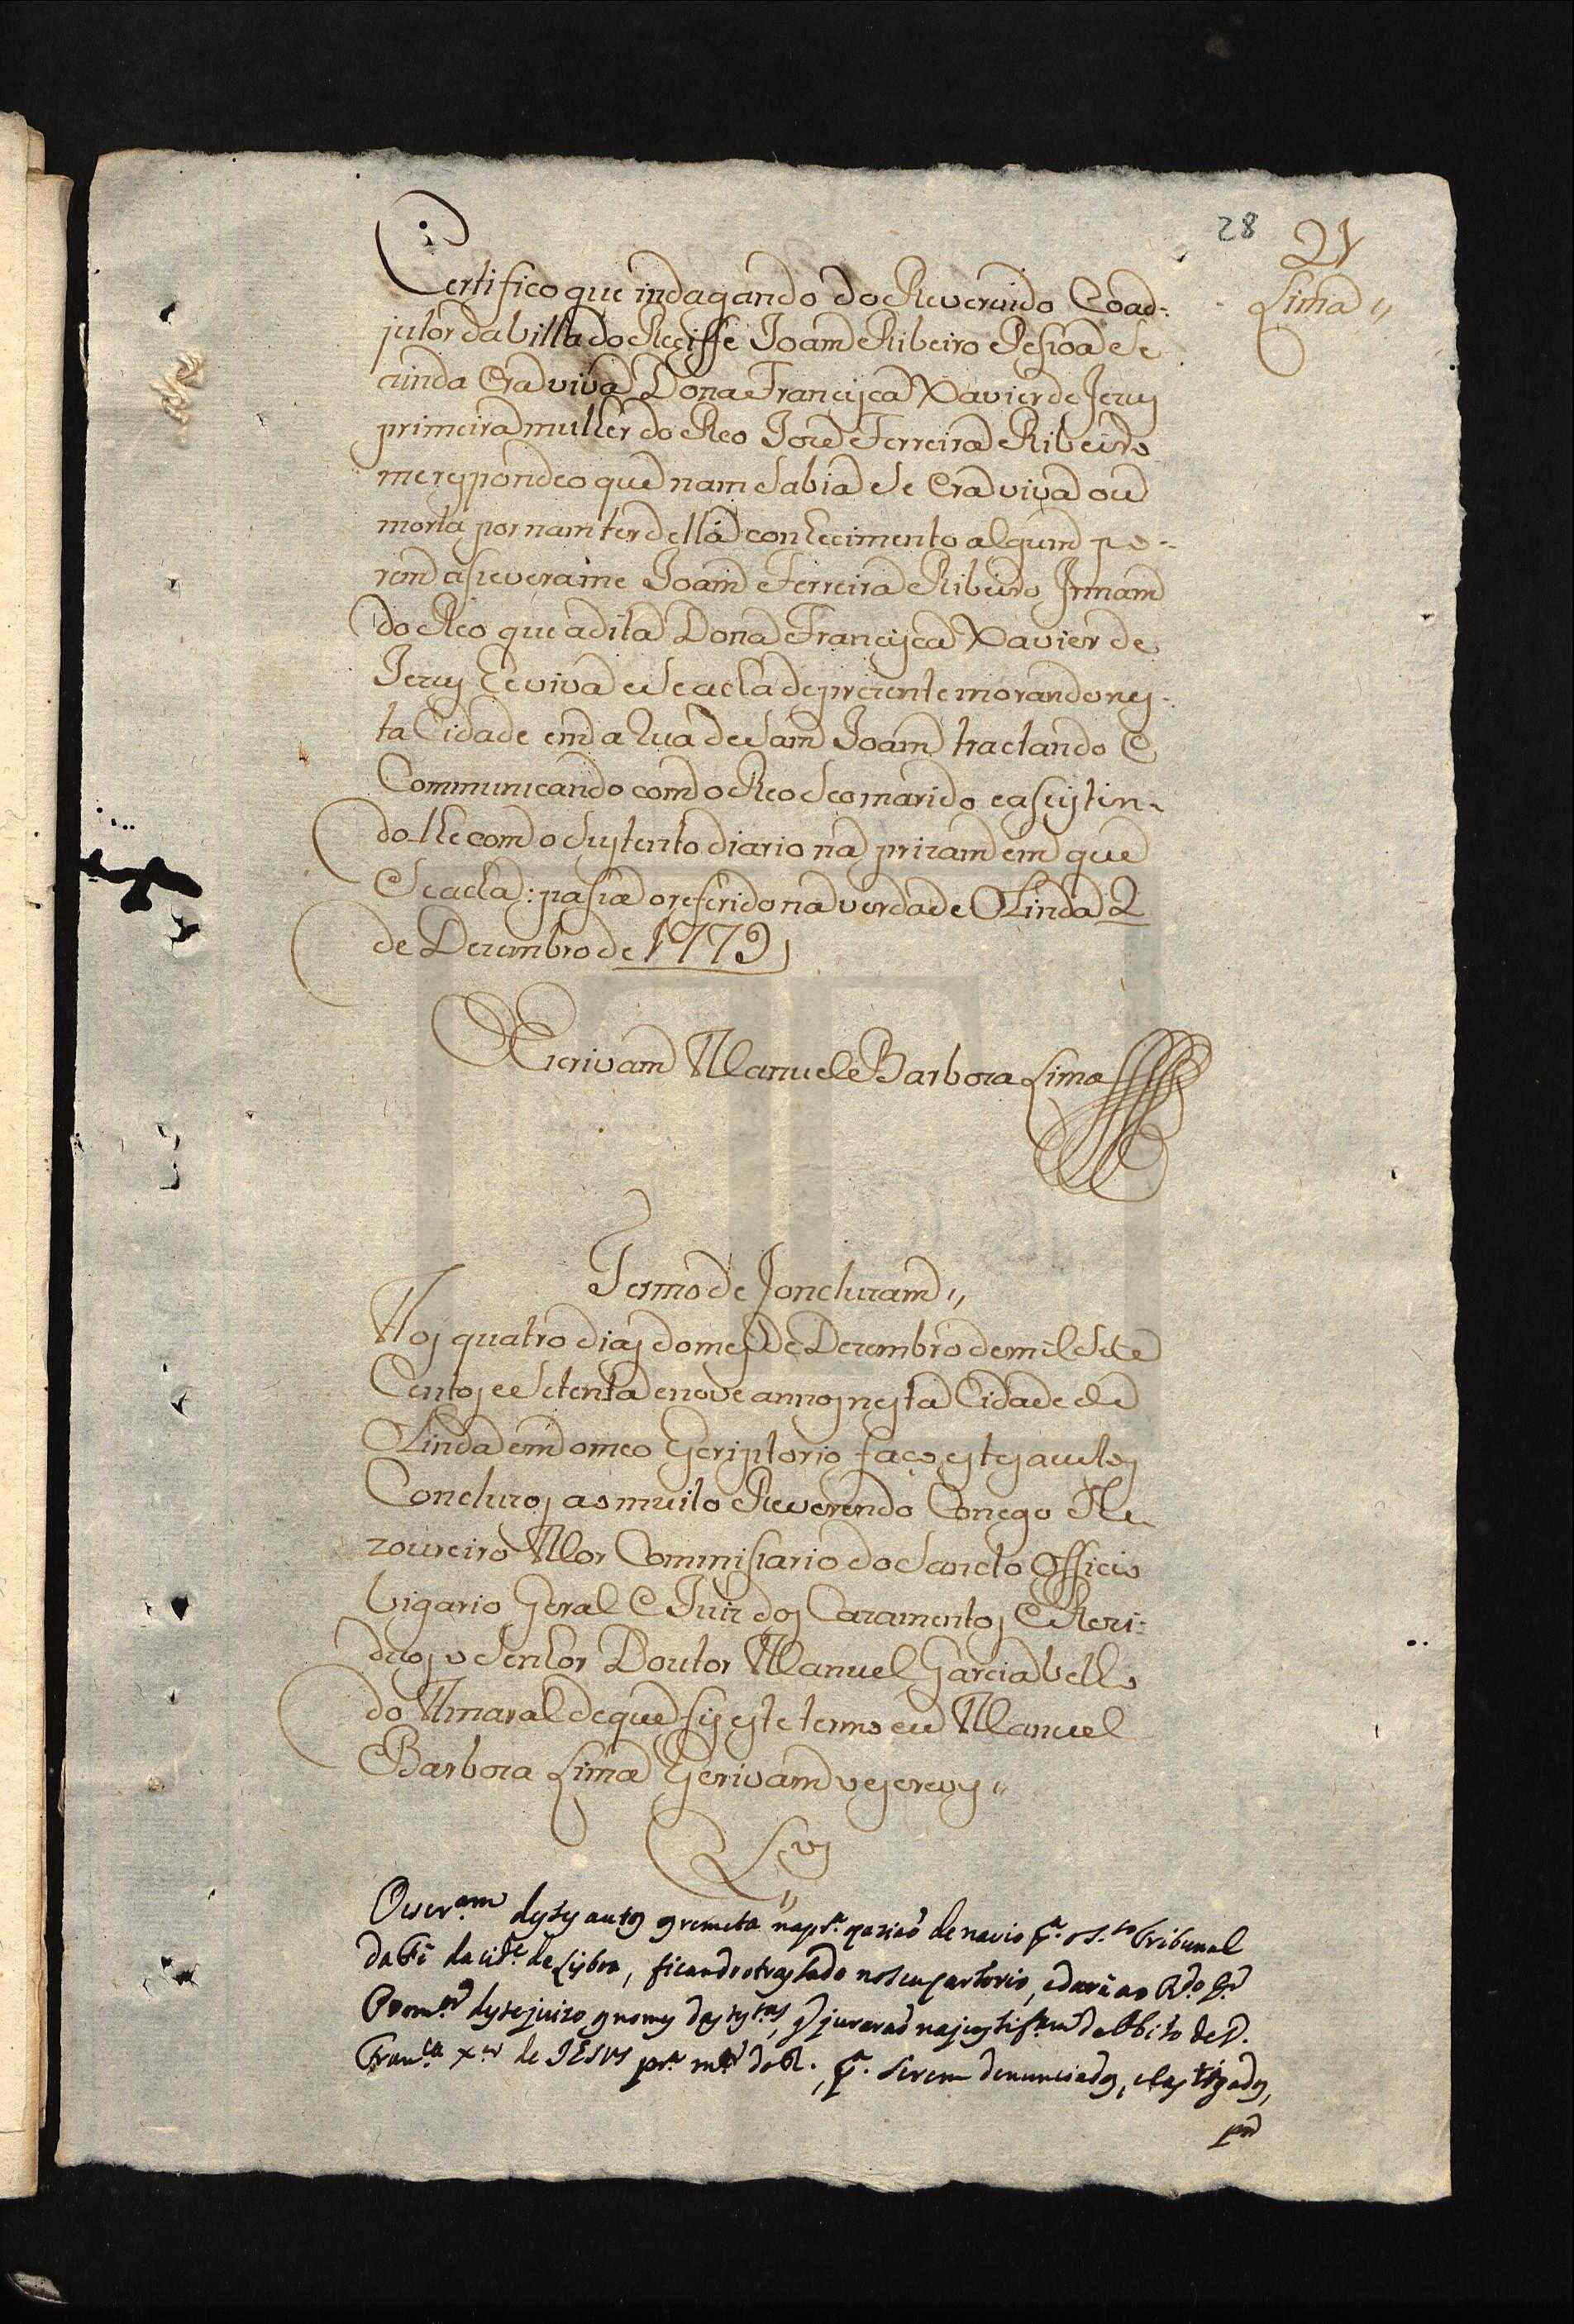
Certifico que indagando do Reverendo Coad
jutor da villa do Reciffe Ioam Ribeiro Pessoa se
ainda era viva Dona Francisca Xavier de Jezus
primeira mulher do Reo Ioze Ferreira Ribeiro
me respondeo que nam sabia se era viva ou
morta por nam ter della conhecimento algum po
rem asseverame Ioam Ferreira Ribeiro Jrmam
do Reo que a dita Dona Francisca Xavier de
Iezus he viva e se acha de presente morando nes
ta Cidade em a Rua de Sam Ioam tractando e
Communicando com o Reo seo marido e assistin
do-lhe com o sustento diario na prizam em que
seacha: passa o referido na verdade OLinda 2
de Dezembro de 1772
O Escrivam Manuel de Barboza Lima
Termo de Concluzam//
Aos quatro dias do mes de Dezembro de mil sete
Centos e setenta e nove annos nesta Cidade de
OLinda em o meo Escriptorio faço estes autos
Concluzos ao muito Reverendo Conego The
zoureiro Mor Commissario do Sancto Officio
Vigario Geral e Iuiz dos Cazamentos e Rezi
duos o Senhor Doutor Manuel Garcia velho
do Amaral de que fis este termo eu Manuel
Barboza Lima Escrivam o escrevy//
O escr.am destes autos os remeta na pr.a ocaziaõ de navio p.a o S.to Tribunal
da Fé da cid.e de Lisboa, ficando o traslado no seu Cartorio, e dasi ao R.do D.r
Prom.or deste juizo os nomes das tes.tas q̄ juraraõ na justif.am do Obito de D.
Fran.ca x.r de Iesus pr.a m.er do R., p.a serem dennunciados, e castigados,
por
21
Lima//
